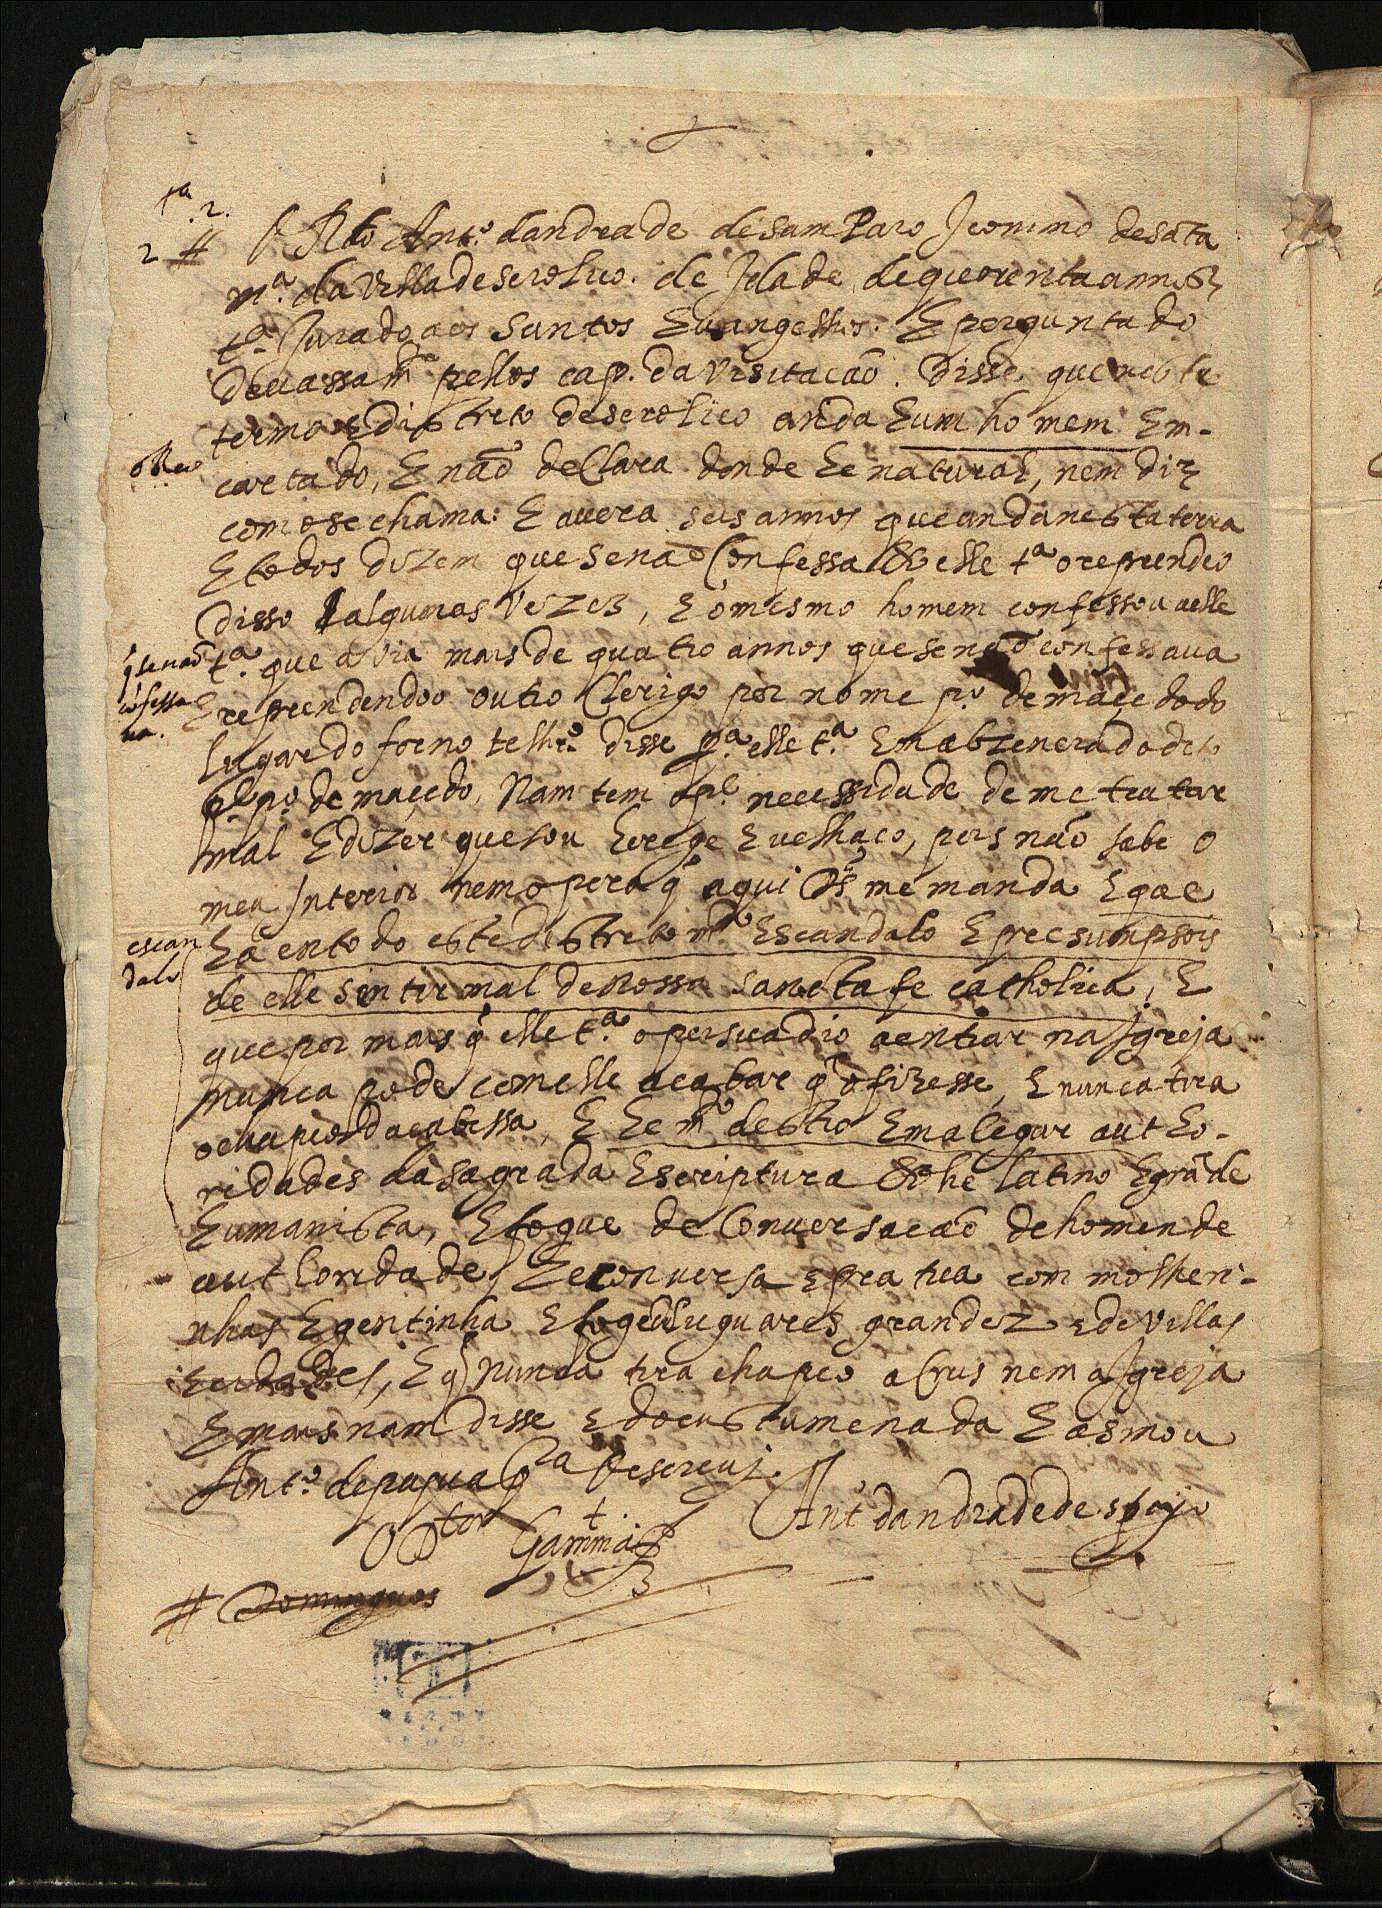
ta. 2.
2 item O Rdo Ant.o dandrade de samPaio Jconimo de sāta
m.a da villa de serolico de Jdade de quorenta annos
ta. Jurado aos Santos Euangelhos. E perguntado
deuassamte pellos cap. da visitaçaõ. disse que neste
termo E distrito de serolico anda hum homem Em
o Reo
cartado, E não deClara donde he natural, nem diz
como se chama. E auera seis annos que anda nesta terra
E todos dizem que se não Confessa & elle ta o reprendeo
disso E algumas vezes, E o mesmo homem confessou a elle
ta. que avia mais de quatro annos que se naõ confessaua
q̄ se naõ
cōfessa
ua.
E reprendendoo outro Clerigo por nome p.o de macedo do
Lugar do forno telhr.o disse ꝑ.a elle t.a Em abzencia do dito
p.e p.o de macedo, nam tem o p.e necessidade de me tratar
mal E dizer que sou herege E uelhaco, pois naõ sabe o
meu Jnterior nem o pera q̄ aqui Ds̄ me manda E que
ha en todo este destrito mto Escandalo E precsumpsois
escan
dalo
de elle sentir mal de nossa sancta fe catholica, E
que por mais q̄ elle t.a o persuadio a entrar na Jgreja
nunca pode com elle acabar q̄ o fizesse, E nunca tira
o chapeo da cabessa, E he mto destro Em alegar autho
ridades da sagrada Escriptura & he latino E grāde
humanista, E fogue de Conuersaçaõ de homem de
authoridade, he conuersa E pratica com molheri
nhas E gentinha E foge de luguares grandez E de villas
E cidades, E q̄ nunca tira chapeo a Crus nem a Jgreja
E mais nam disse E do custume nada E asinou
Ant.o de pajua pra O escreuj
Anto dandrade de spayo
O Dtor Gamma
Dominguos
